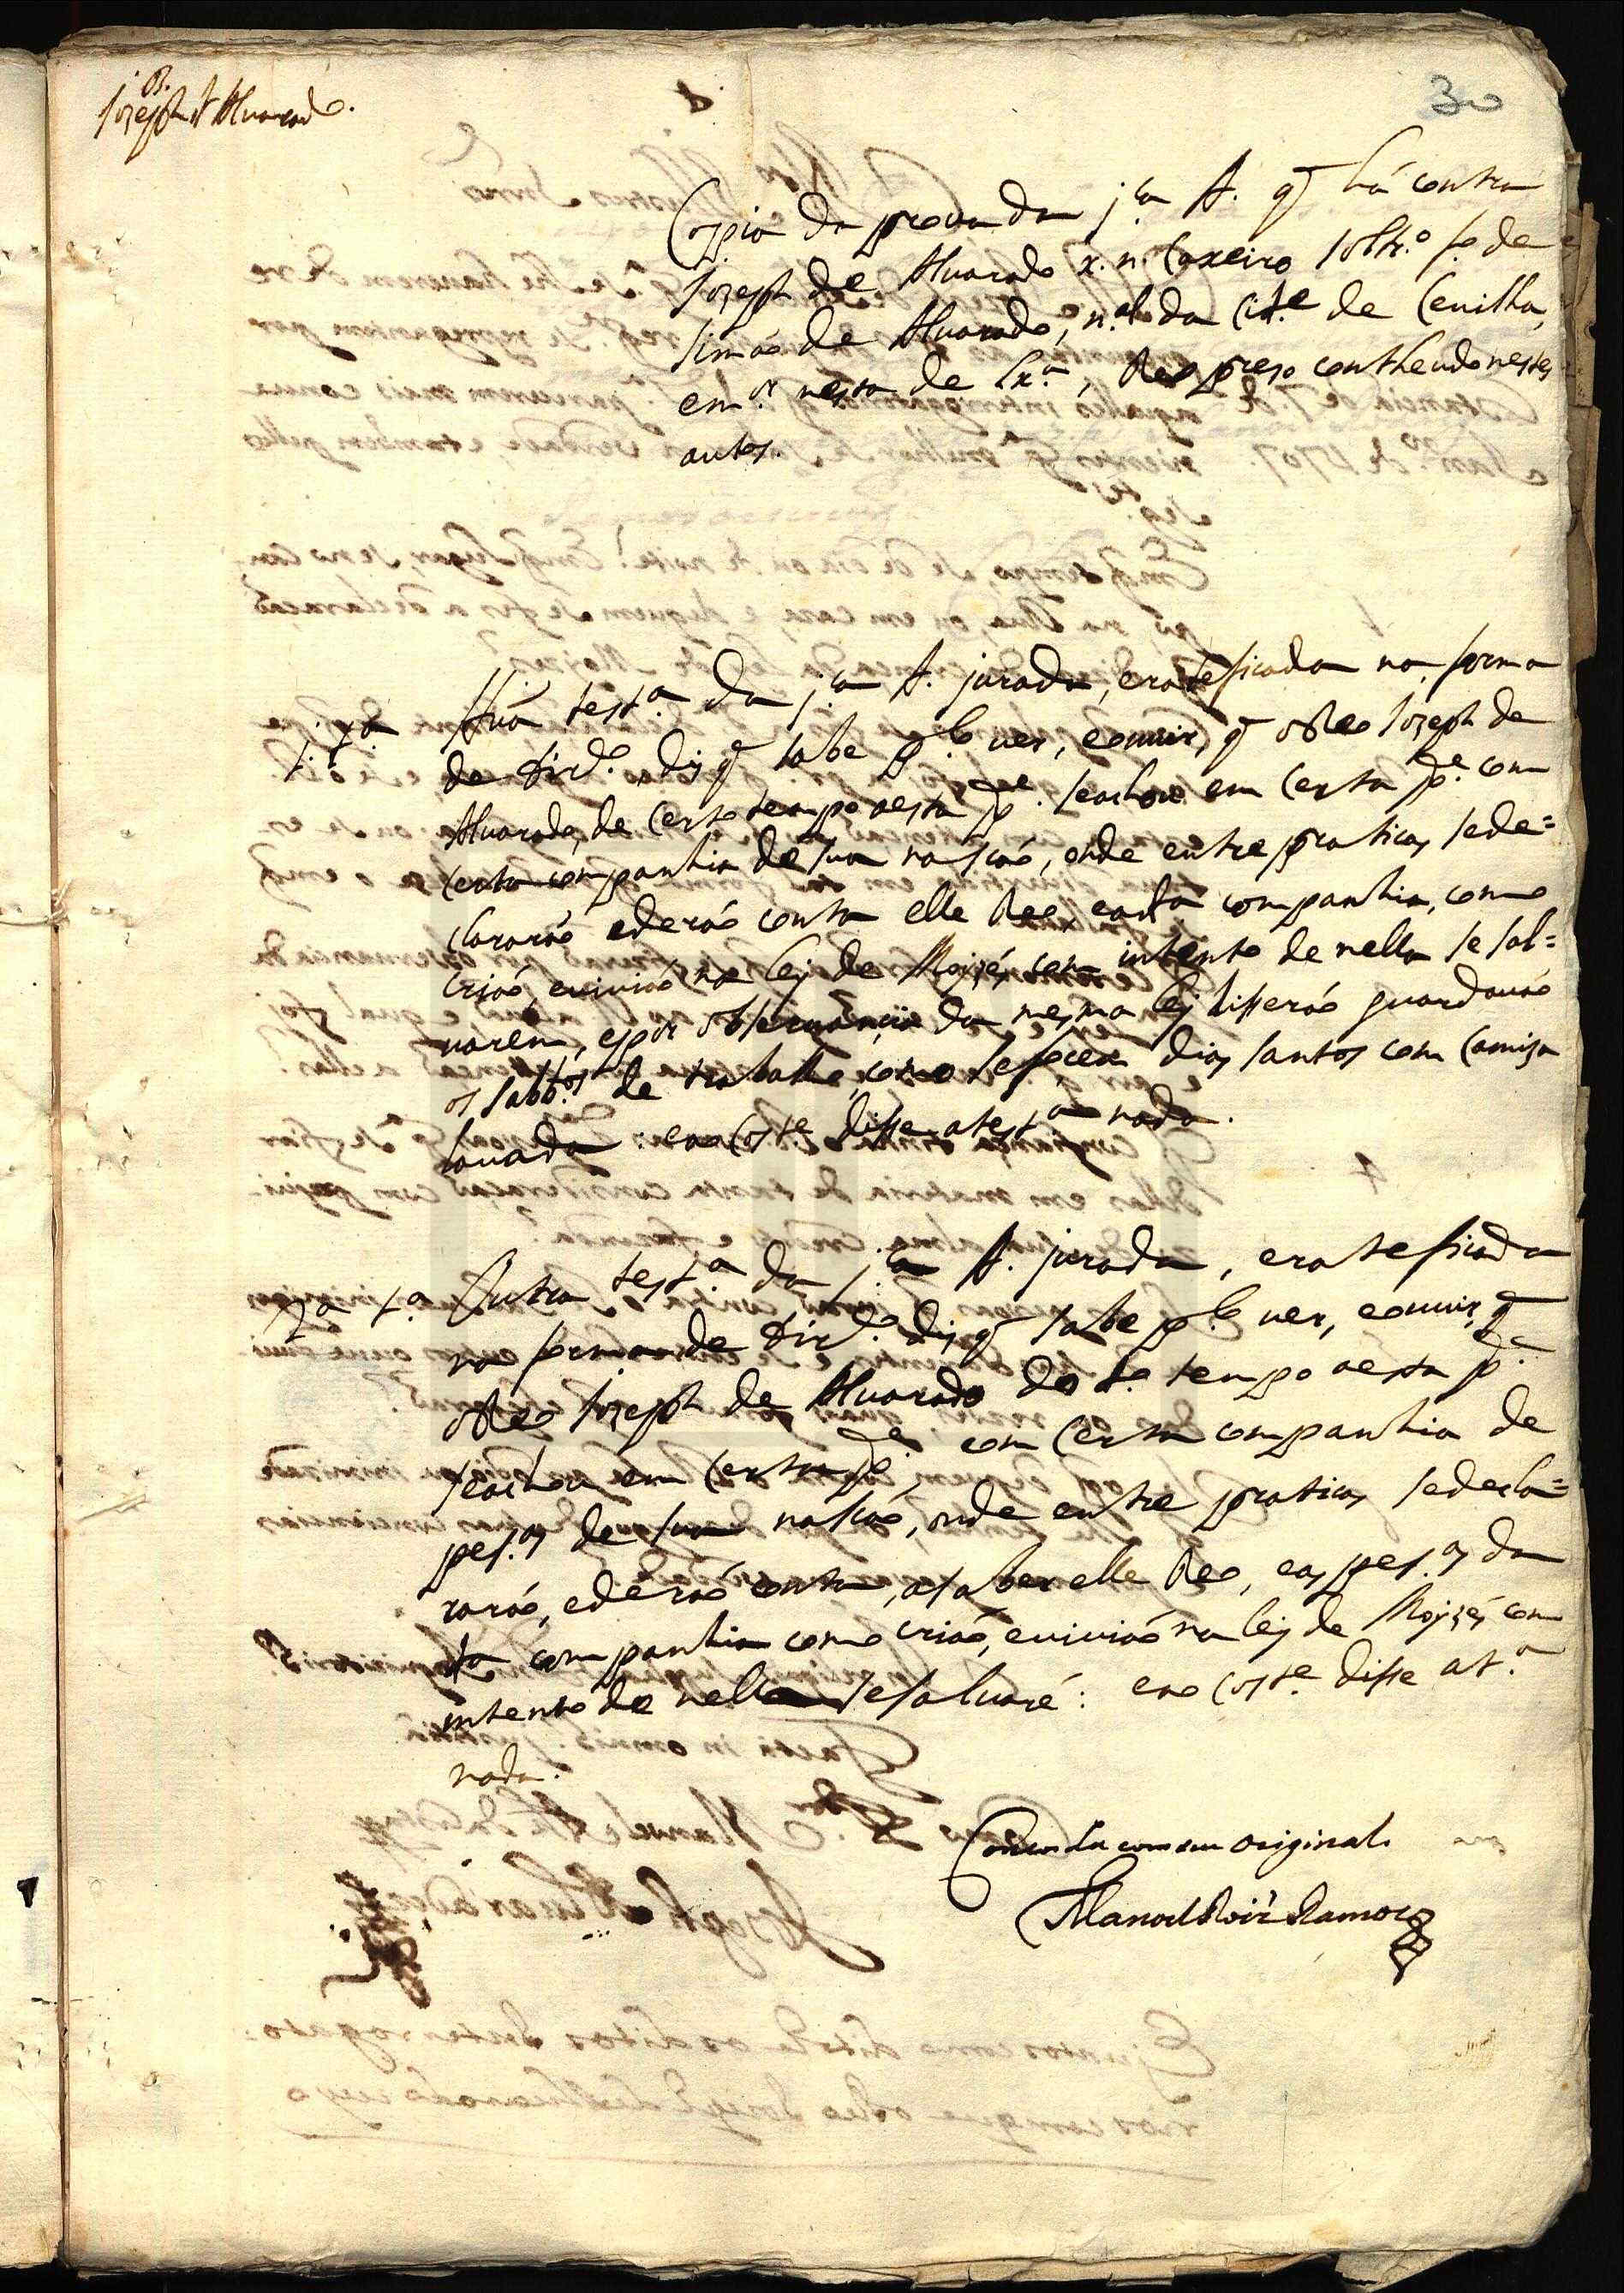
Iozeph d̄ Aluarado.
Copia da proua da j.ca A. q̄ há contra
Iozeph de Aluarado x. n. Caxeiro soltr.o f.o de
Simaõ de Aluarado, n.al da Cid̄.e de Ceuilha,
e m.or nesta de Lx.a, Reo prezo contheudo nestes
autos.
Huā test.a da j.ca A. jurada e rateficada na forma
i. t.a
de Dir.to o dis q̄ sabe p.lo uer, e ouuir, q̄ o Reo Iozeph de
Aluarado, de certo tempo a esta pte. se achou em certa pte. com
certa companhia de sua nasçaõ, onde entre praticas se de
clararaõ e deraõ conta elle Reo, e a d̄a companhia, como
criaõ e uiuiaõ na ley de Moyzés com intento de nella se sal
uarem, e por obseruancia da mesma ley disseraõ guardauaõ
os sabb.os de trabalho, como se foçem dias santos com Camiza
lauada: e ao Cost.e disse a test.a nada.
Outra test.a da j.ca A. jurada, e rateficada
2a t.a
na forma de Dir.to dis q̄ sabe p.lo uer, e ouuir, q̄
o Reo Iozeph de Aluarado do d̄.o tempo a esta p.te
se achou em Certa p.te com Certa companhia de
pes.as de sua nascaõ, onde entre praticas se decla
raraõ e deraõ conta, a saber elle Reo, e as pes.as da
d̄a companhia como criaõ, e uiuiaõ na lej de Moyzes com
intento de nella se saluarē : e ao cost.e disse a t.a
nada.
Concorda com seu original
Manoel Roiz̄ Ramos
